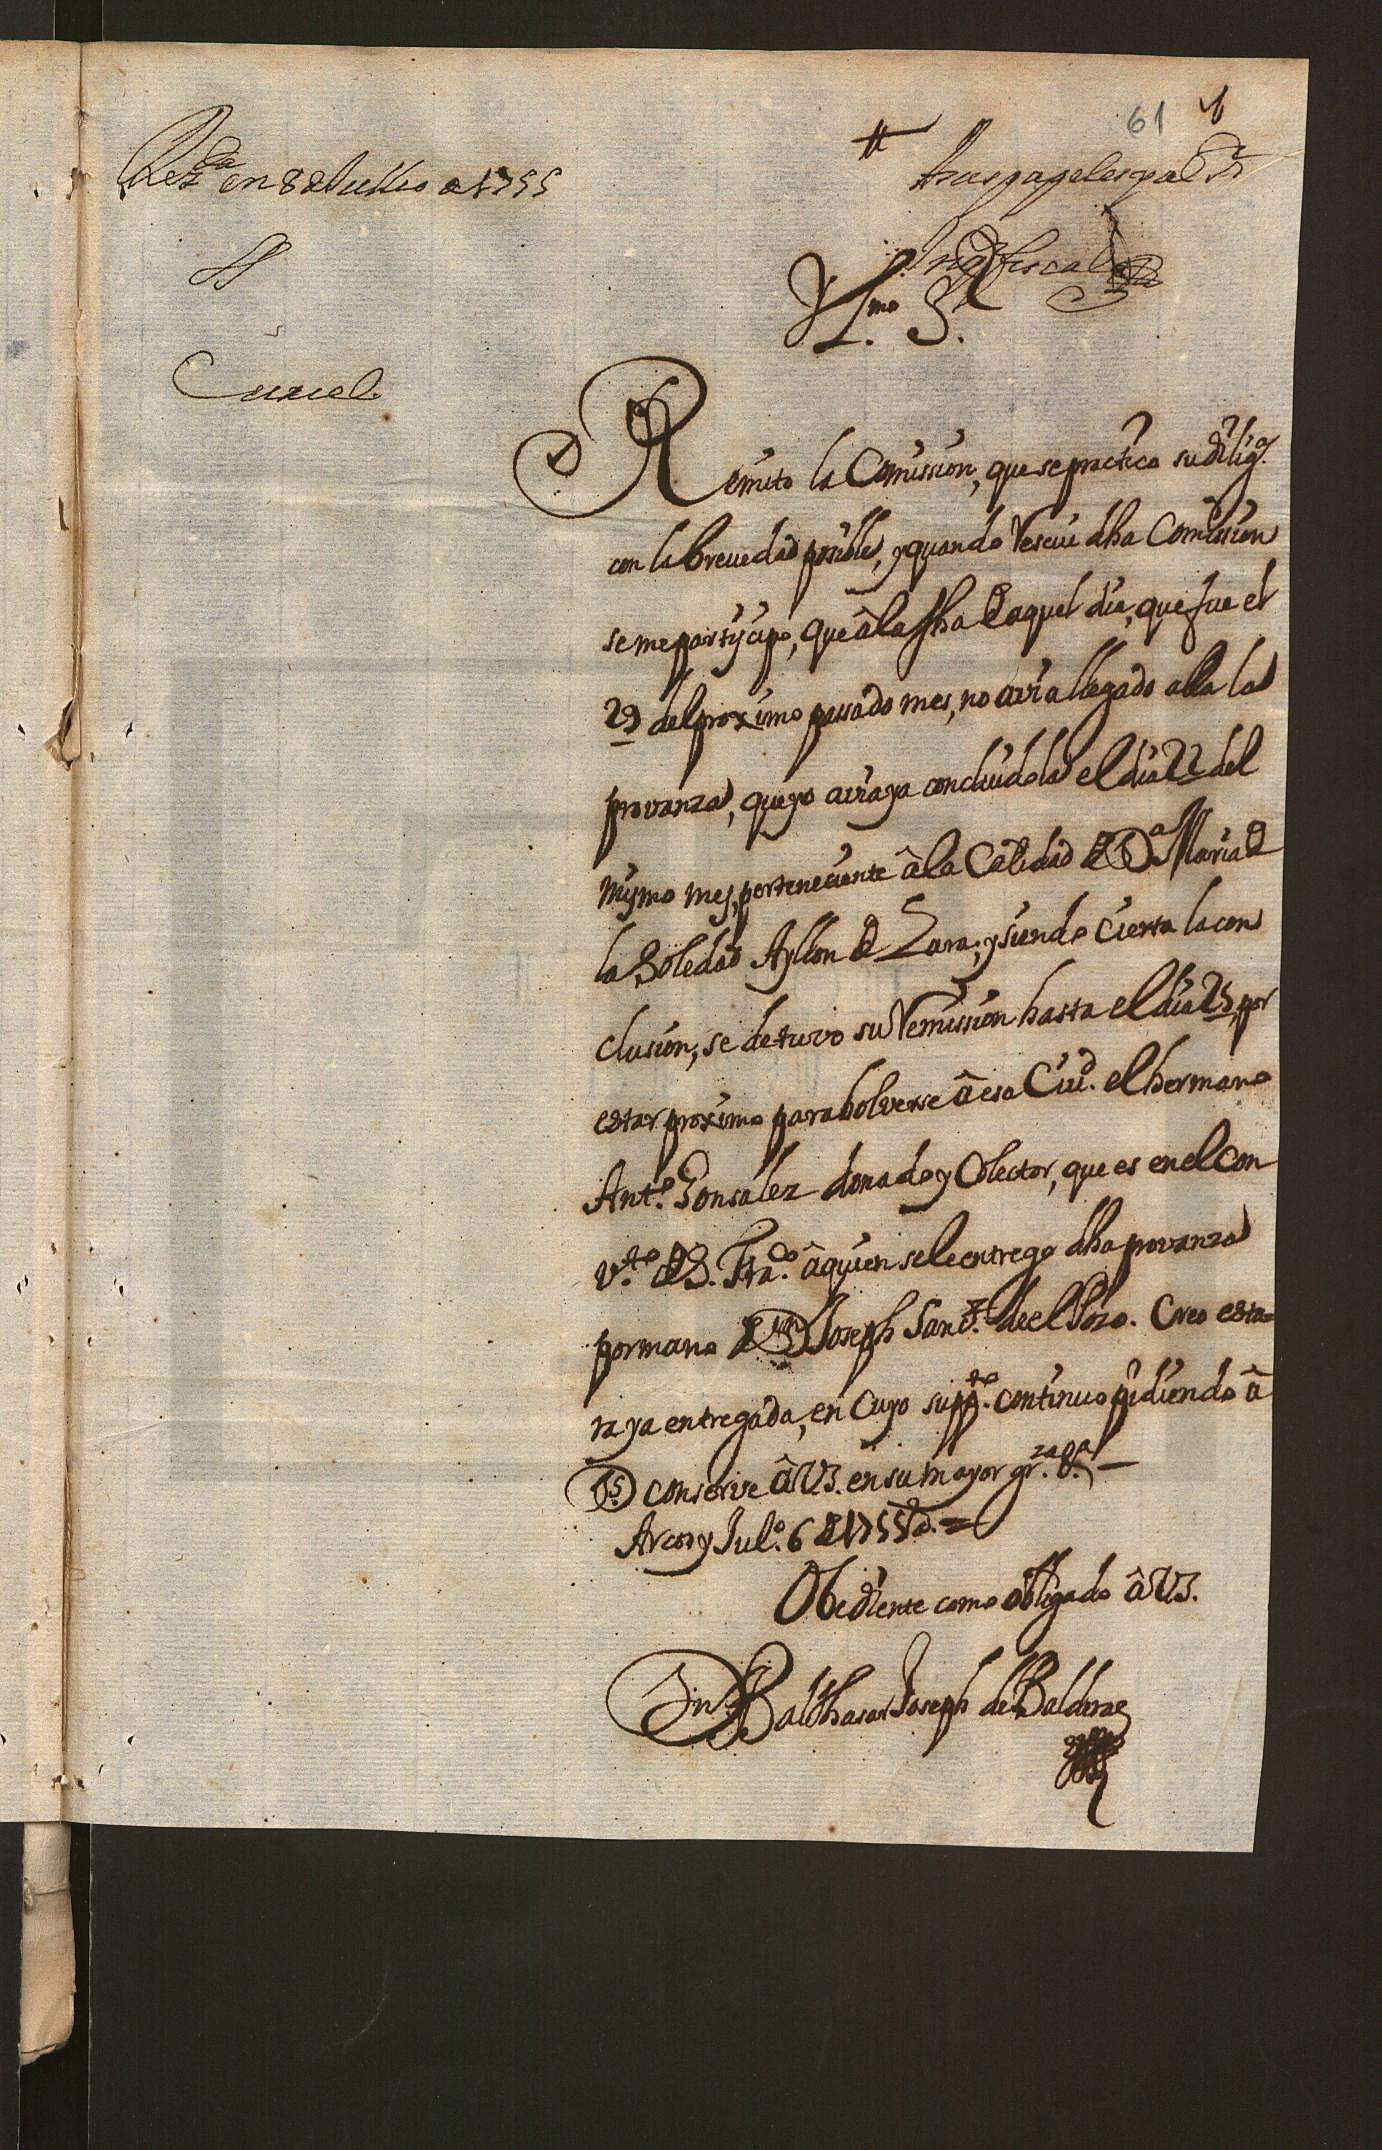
Rez.da en 8 de Iullio de 1755
Curiel
Remito la Comission, que se practico su dilig.a
con la breuedad posible, y quando Reseui dha Comission
se me partiscipo, que â la fha de aquel dia, que fue el
29 del proximo passado mes, no avia llegado alla la
provanza, que yo avia ya concluidola el dia 22 del
mismo mes, perteneciente â la Calidad de Da Maria de
la Soledad Ayllon de Lara, y siendo cierta la con
clusion, se detuvo su Remission hasta el dia 25 por
estar proximo para bolverse â esa Ciu.d el hermano
Ant.o Gonsalez donado y Colector, que es en el con
v.to de S. Fra.co â quien se le entrego dha provanza
por mano de Don Ioseph Sanc.z de el Pozo. Creo esta
ra ya entregada, en cuyo supp.to continuo pidiendo â
D.s conserve â VS. en su mayor gr.za &.a
Arcos y Iul.o 6 de 1755 ā
Obediente como obligado â V S.
Dn Balthasar Ioseph de Balderas
